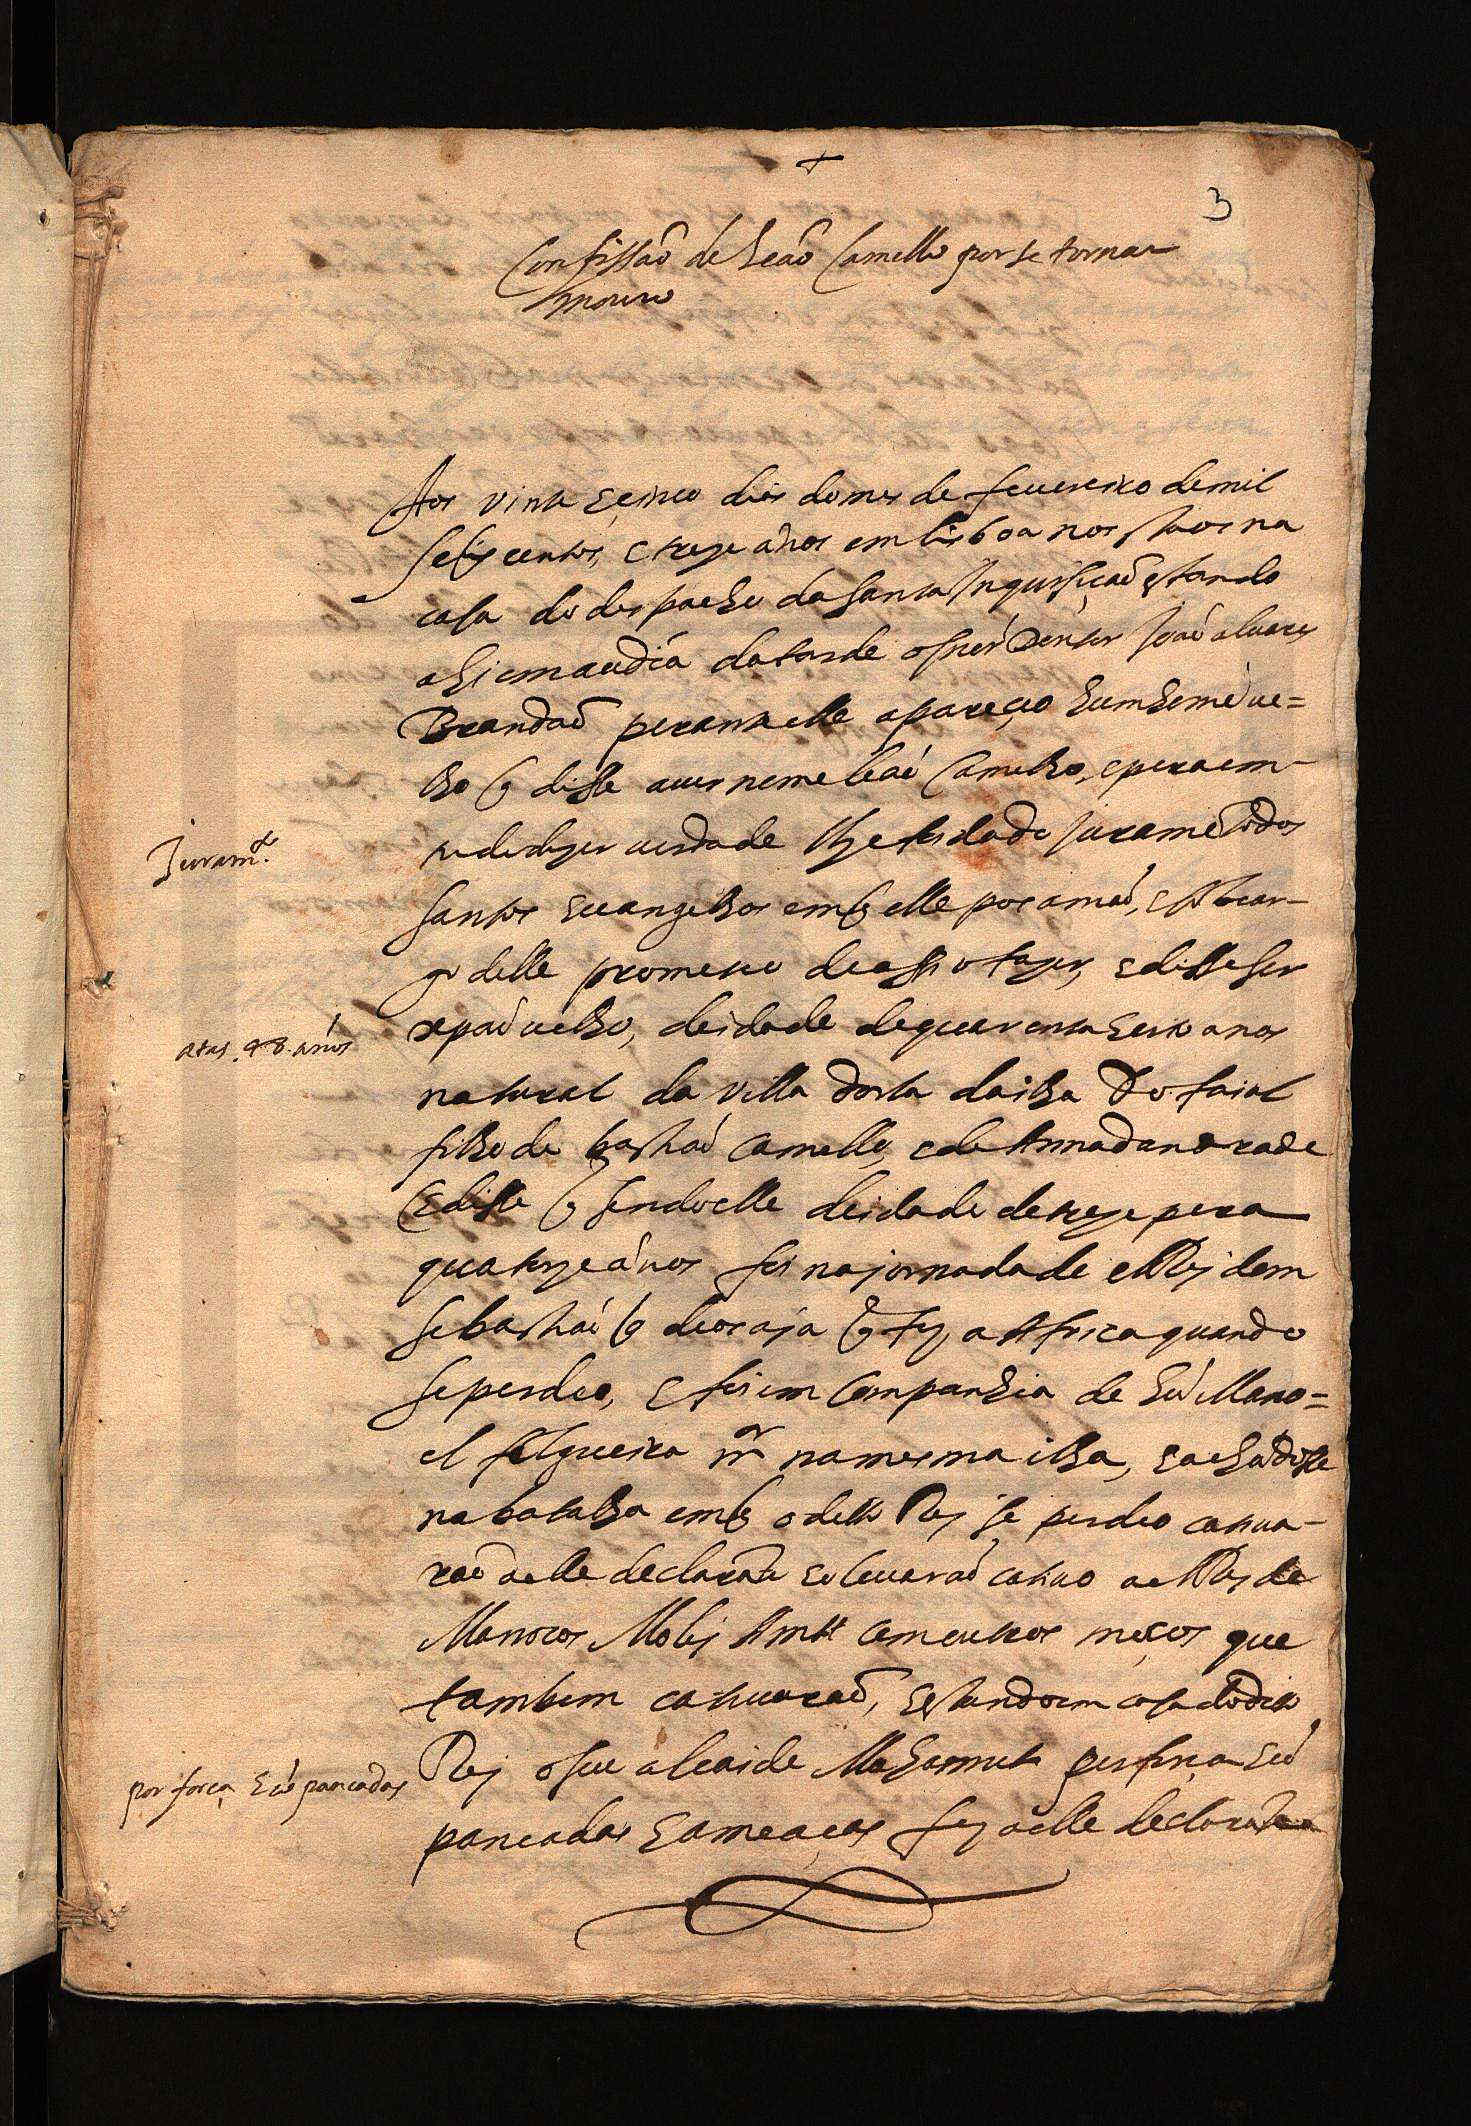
Confissaõ de Leaõ Camello por se tornar
mouro
Aos vinte E cinco dias do mes de feuereiro de mil
seiscentos, e treze anos em lisboa nos staos na
casa do despacho da santa Inquisiçaõ estando
ahi em audiā da tarde o snor̄ Doutor Joaõ aluares
Brandaõ perante elle apareceo hum homē ue
lho q̄ disse auer nome leaõ Camelho, e pera em
tudo dizer uerdade lhe foi dado Juramēto dos
Juram.to
Santos Euangelhos em q̄ elle pos a maõ, E sob car
go delle prometeo de assi o fazer, E disse ser
xpaõ uelho, de idade de quarenta E oito anos
atas. 48 an̄os
natural da villa dorta da ilha do faial
filho de bastiaõ camello, e de Anna dandrade
(E disse q̄ sendo elle de idade de treze pera
quatorze an̄os foi na jornada de el Rej dom
sebastiaõ q̄ deos aja q̄ fez a Africa quando
se perdeo, E foi em Companhia de hū Mano
el felgueira m.or na mesma ilha, E achadosse
na batalha em q̄ o ditto Rej se perdeo catiua
raõ delle declarāte E o leuaraõ catiuo a el Rey de
Marrocos Molej Amet com outros moços que
tambem catiuaraõ, E estando em casa do ditto
Rej o seu alcaide Mohamet per força E cō
por força E cō pancadas
pancadas E ameaças fez a elle declarāte
